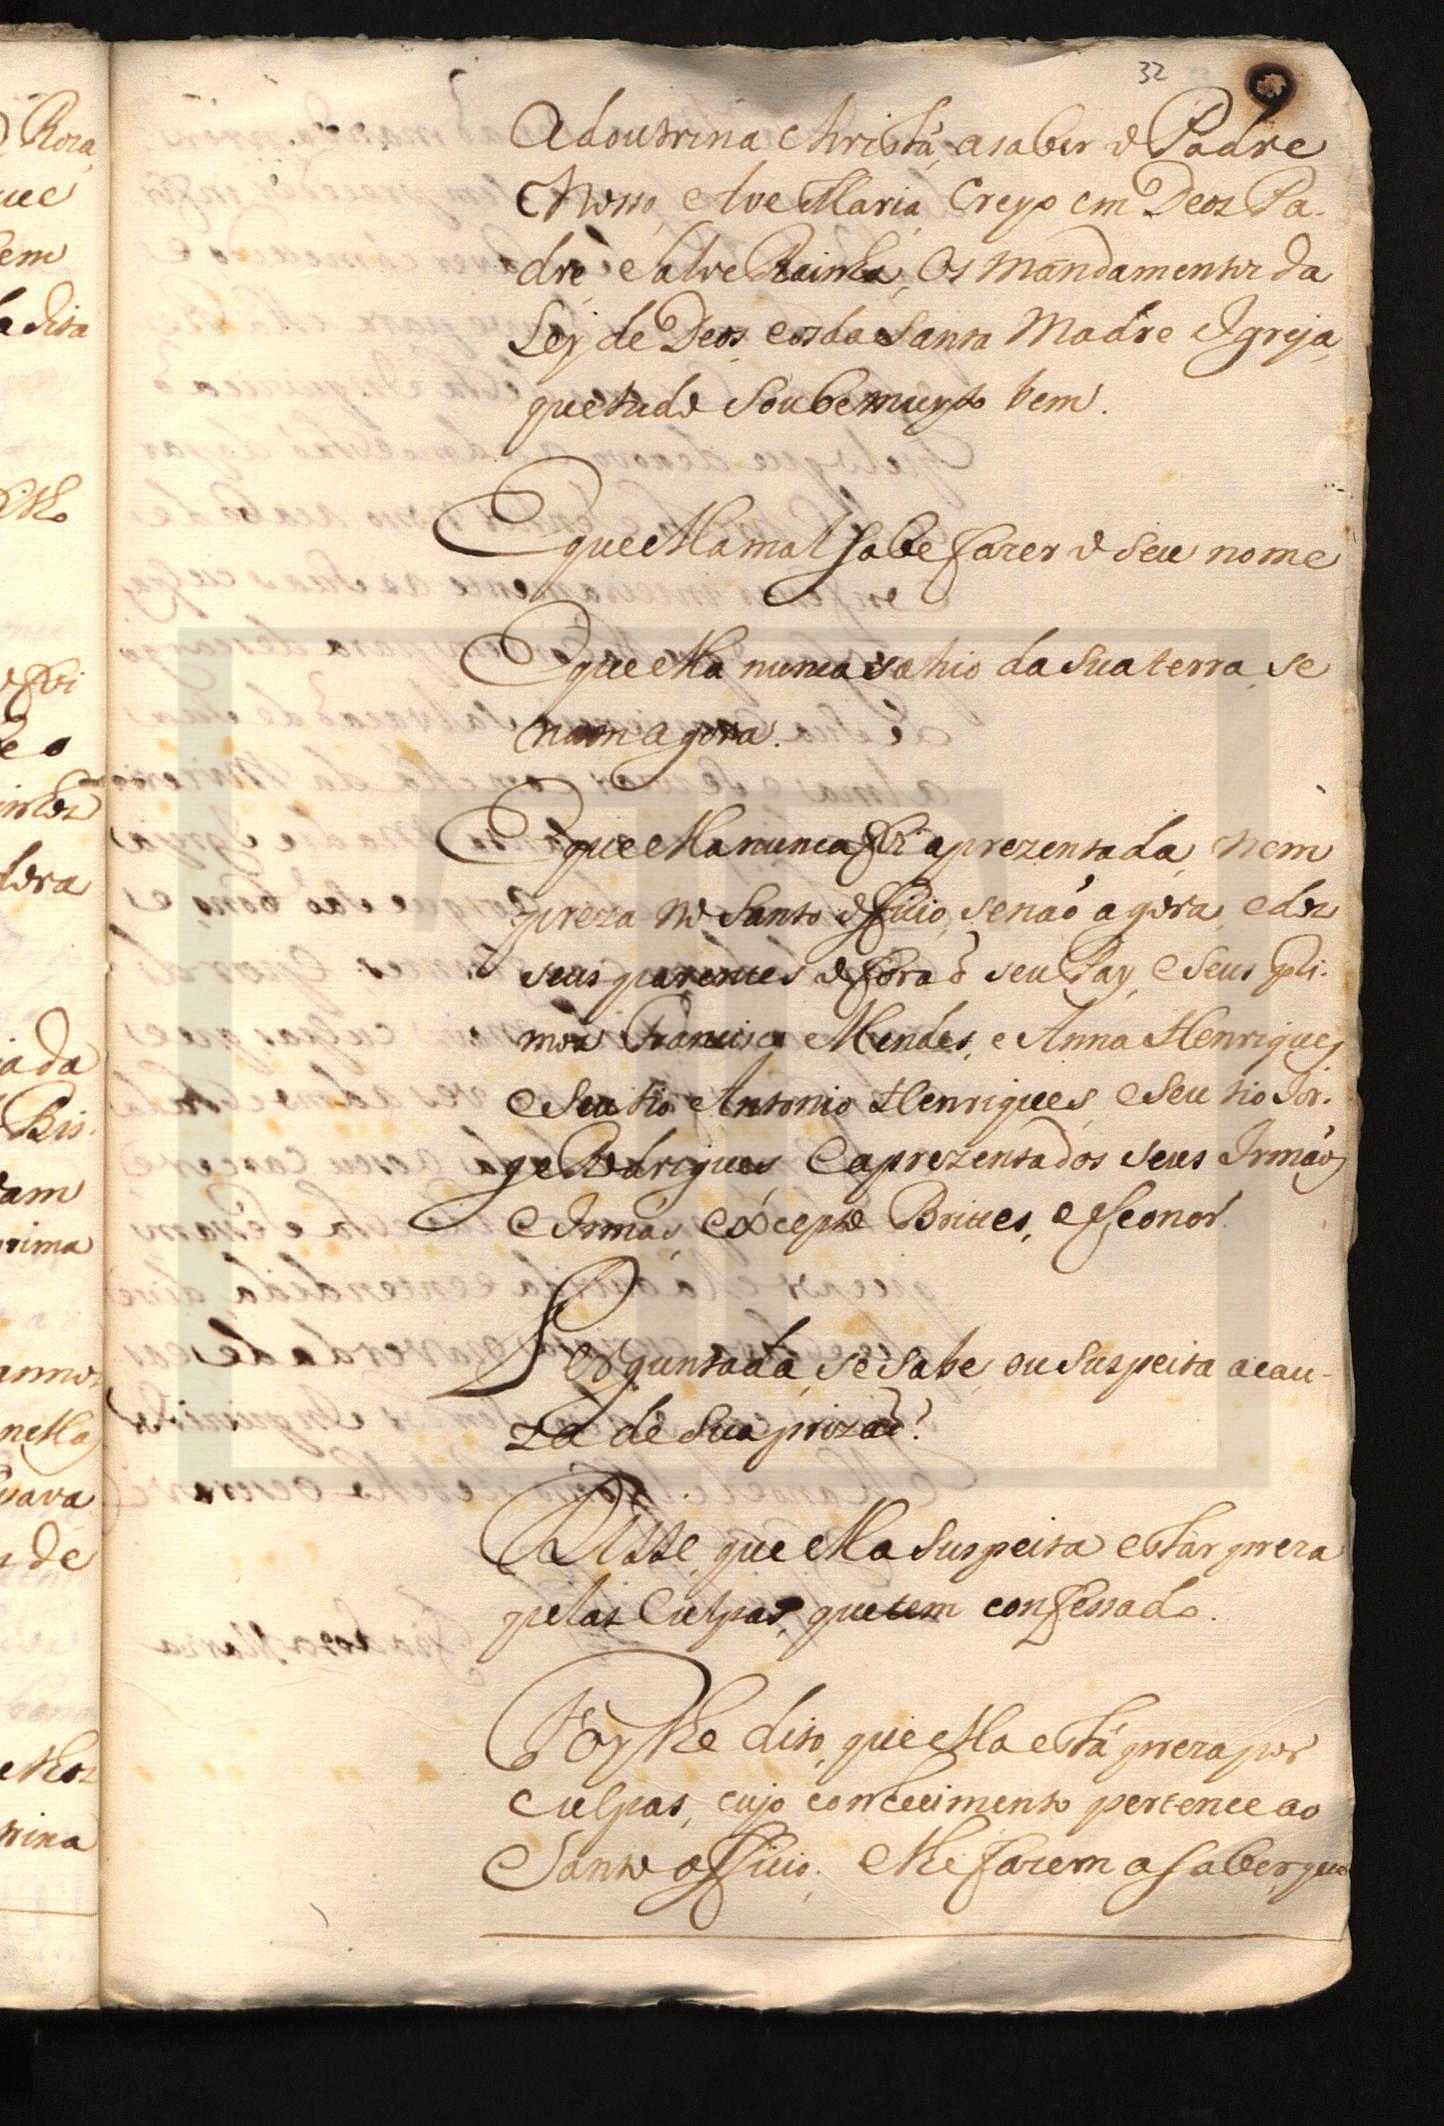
A doutrina christã, a saber o Padre
Nosso, Ave Maria, Creyo em Deos Pa
dre, Salve Rainha, os mandamentos da
Ley de Deos, e os da Santa Madre Igreja,
que tudo soube muyto bem.
E que ella mal sabe fazer o seu nome
E que ella nunca sahio da sua terra se
nam agora.
E que ella nunca foi aprezentada, nem
preza no Santo officio senaõ agora e doz
seus parentes e foraõ seu Pay, e seus pRi
moz Francisco Mendes, e Anna Henriques
e seu tio Antonio Henriques, e seu tio Ior
ge Rodrigues, e aprezentados seus Irmaõs
e Irmão, excepto Brittes, e Leonor
Perguntada, se sabe ou suspeita a cau
za de sua prizaõ?
Disse, que ella suspeita estar preza
pelas Culpas, que tem confessado.
Foylhe dito, que ella está preza por
Culpas, cujo conhecimento pertence ao
Santo officio, e lhe fazem a saber, que
